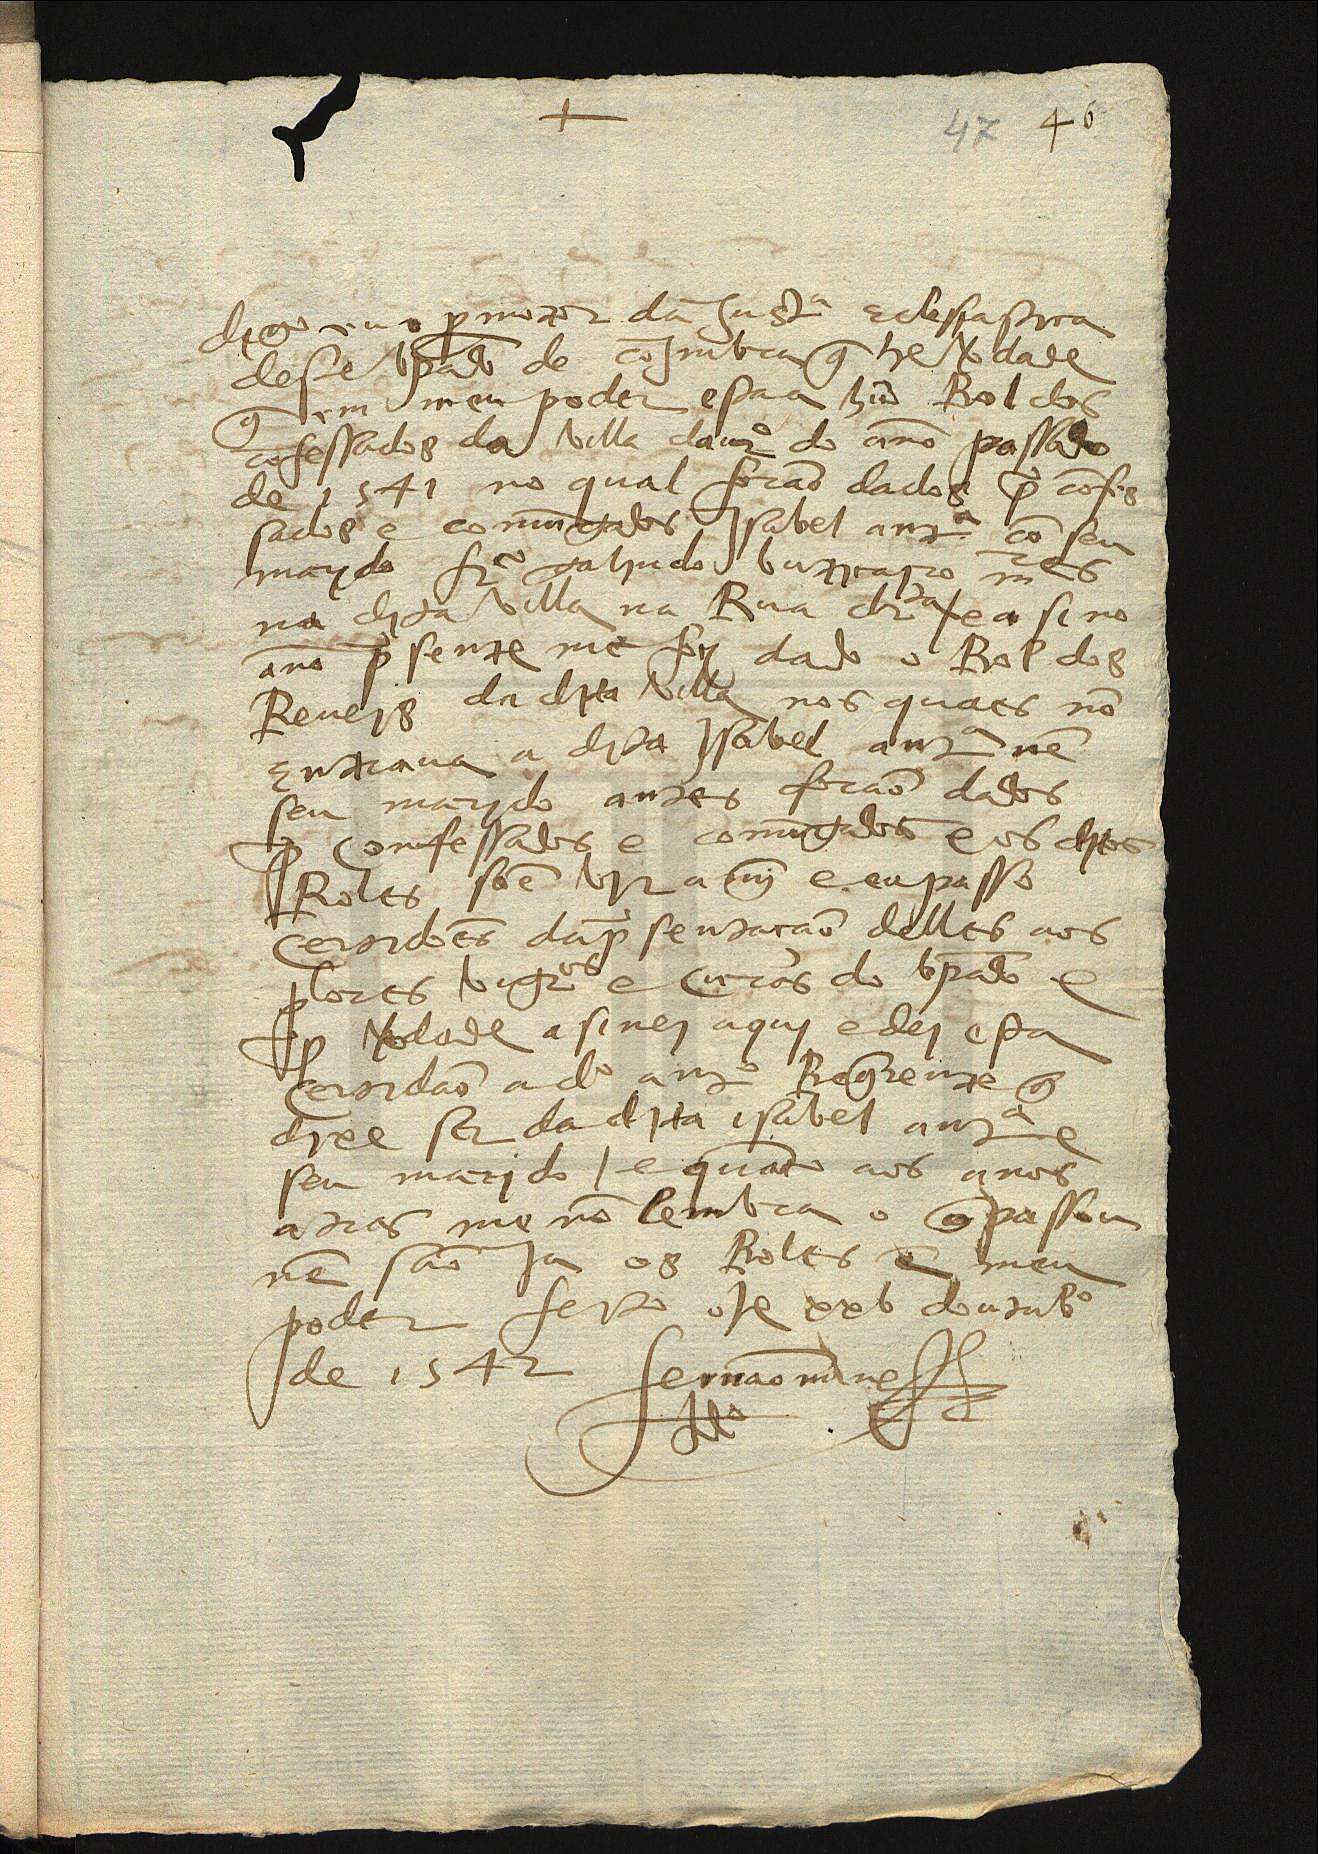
djgo eu o ꝓmotor da Justa Eclesjastica
deste bpādo de coJmbra q̄ he ꝟdade
em meu poder estaa hū Rol dos
cōfessados da villa dauro do an̄o passado
de 1541 no qual forão dados p̄o c̄ofes
sados e comūgados Jsabel anta c̄o seu
marjdo frco galjndo buticajro mres
na djta villa na Rua drta / e asi no
an̄o p̄sente me foy dado o Rol dos
Reuejs da djta villa nos quaes nō
Entraua a djta Jsabel anta nē
seu marjdo antes foraõ dados
p̄o comfessados e comūgados e os djtos
Roles soē vjr a m̄j e eu passo
Certidoẽs dap̄sentaçaõ delles aos
plores vigros e curas do bp̄ado e
p̄o ꝟdade asinej aquj e dej esta
Certidaõ a do anto Req̄rente q̄
djxe ser da djta isabel anta e
seu marjdo / e quāto aos anos
atras me nō lembra o q̄ passou
nē são Ja os Roles ē meu
poder feito oJe xxv doutubo
de 1542 fernão nunes
